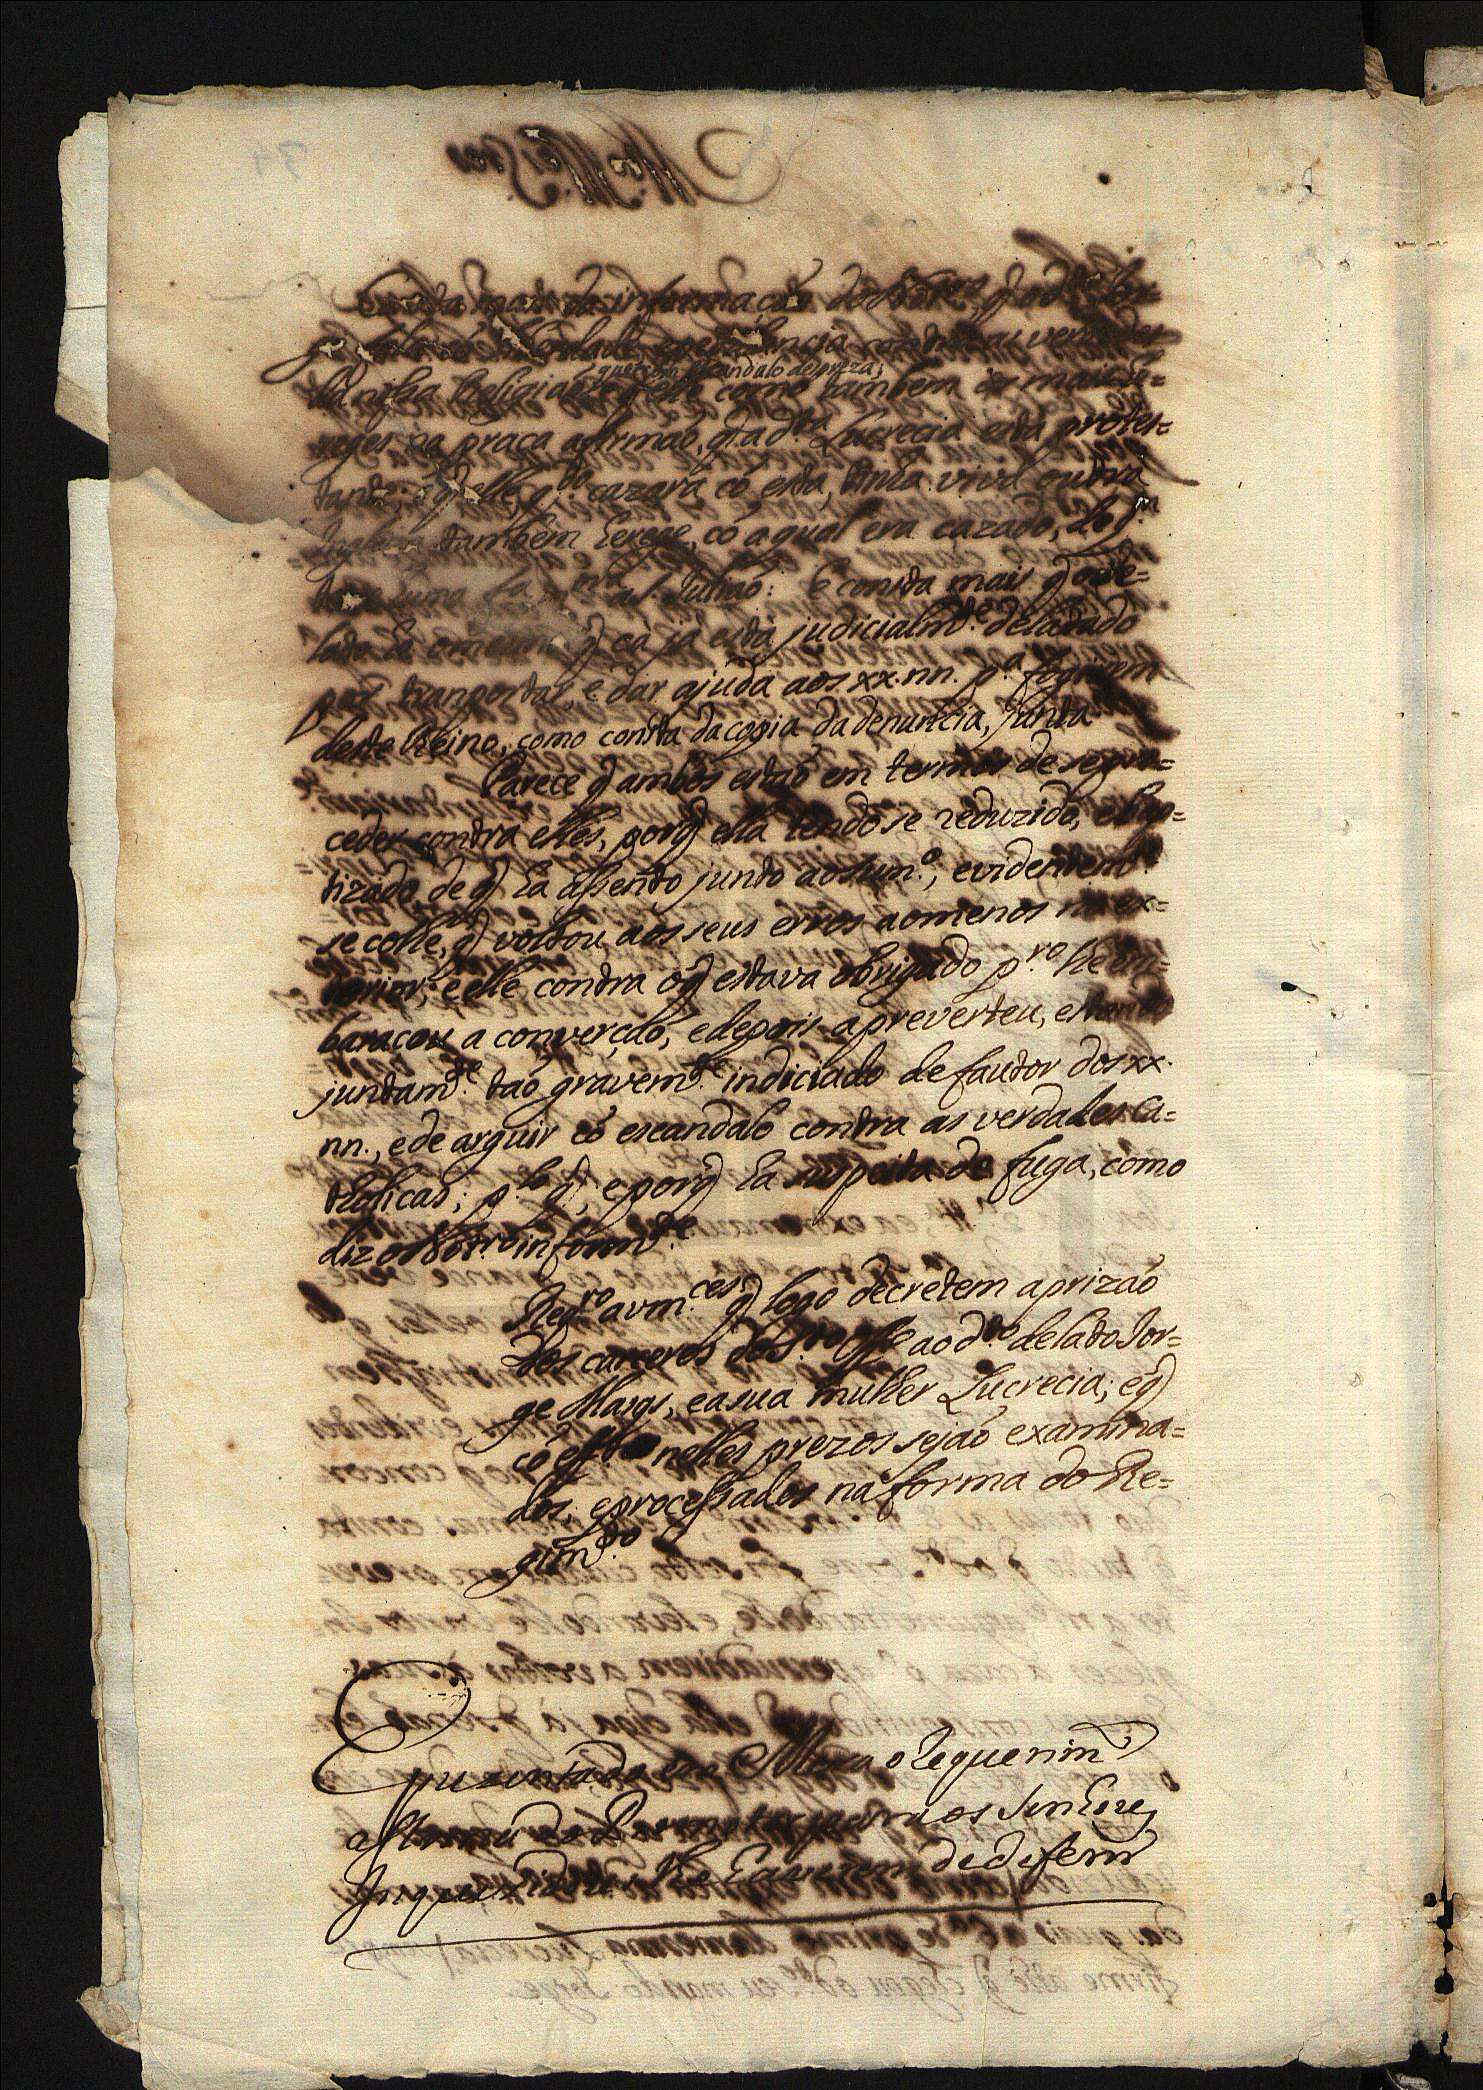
C__a m__ de informaçaõ do Notro q̄ o do Ior
ge falar cō Verdade, e pe__encia contra as ver_des
que __ndalo de preza;
da nossa Religiaõ e q̄ elle como tambem os mais he
reges na praça afirmaõ q̄ a d.ta Lucrecia esta protes
tante; e q̄ elle q.do cazara cō esta, tinha viva outra
Ingleza tambem herege cō a qual era cazado, de q.m
tem uma f.a m.ora a S. Iuliaõ: E consta mais q̄ o de
lato he o mesm_ q̄ cà já està judicialm.te delatado
por transportar, e dar ajuda as xx. nn. p.a fogirem
deste Reino, como consta da copia da denuncia, junta
Parece q̄ ambos estaõ em termos de se pro
ceder contra elles, porq̄ ella tendo se reduzido, e bap
tizado de q̄ ha assento junto ao sum.o, evidentemte
se colhe, q̄ voltou aos seus erros ao menos no ex
terior, e elle contra o q̄ estava obrigado p.ro lhe em
baraçou a converçaõ, e depois a preverteu, estando
juntam.te taõ gravem.te indiciado de fautor dos xx.
nn., e de arguir cō escandalo contra as verdades ca
tholicas; plo q̄. e porq̄ ha suspeita de fuga, como
diz o Notro inform.te
Req.ro a vm.ces q̄ logo decretem a prizaõ
dos carceres do S.to Offo ao d.to delato Ior
ge Masqs, e a sua mulher Lucrecia; e q̄
cō eff.to nelles prezos sejaõ examina
dos, e processados na forma do Re
gim.to.
E prezentado na Meza o Requerimto
assima do Promotor para os Senhores
Jnquizidores lhe haverem de deferir
